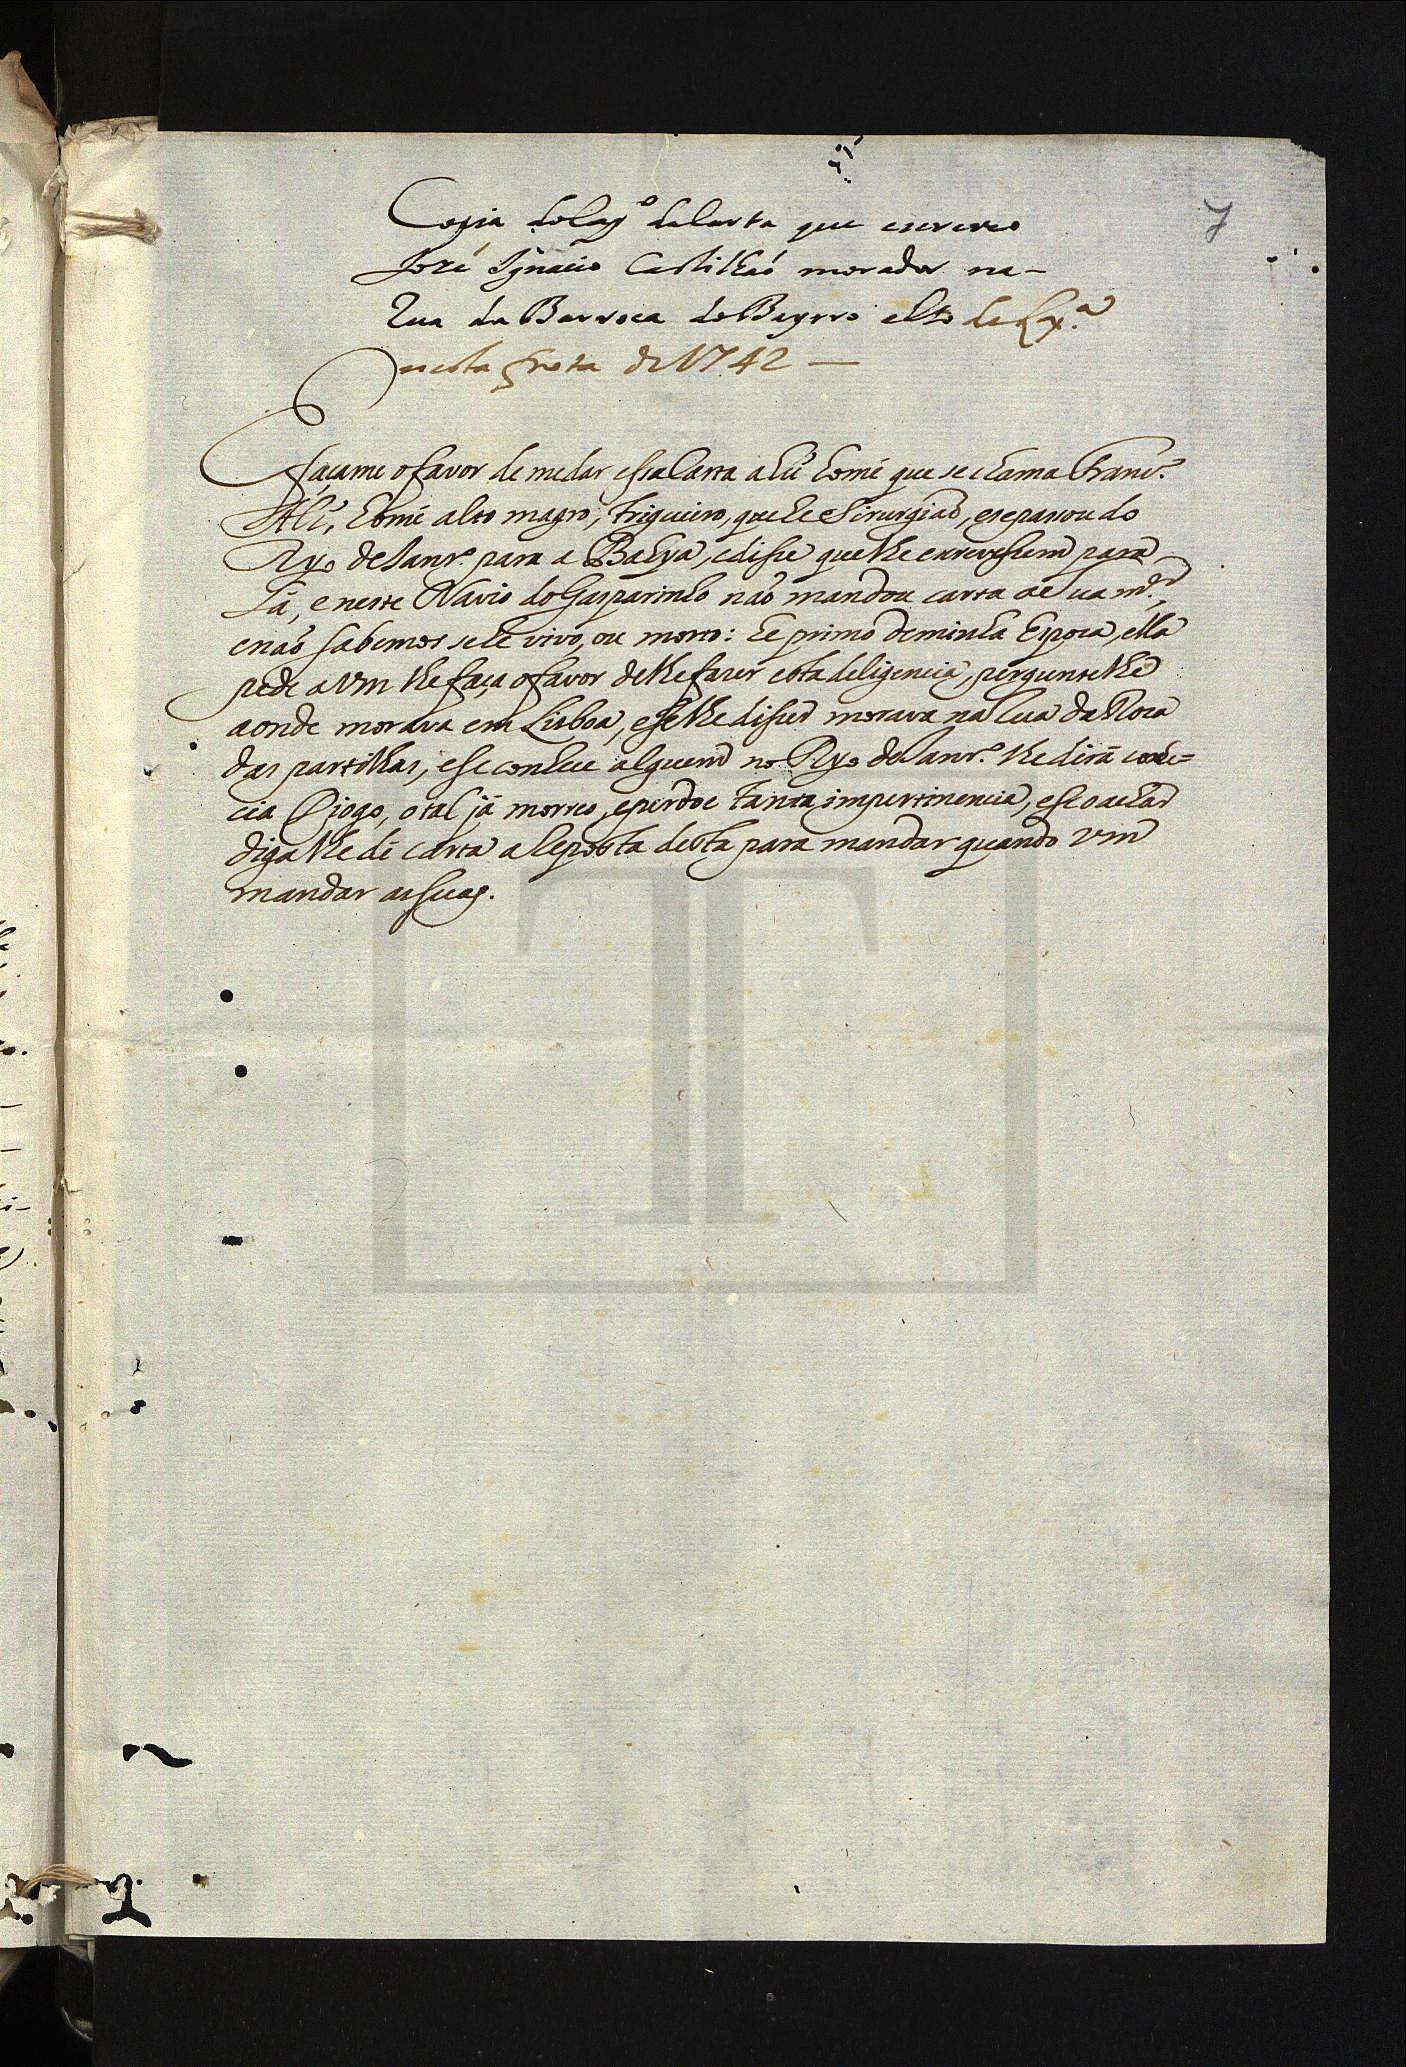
Copia do Capo da Carta que escreveo
Jozé Ignacio Cartilhaõ morador na
Rua da Barroca do Bayrro alto de Lx.a
nesta frota de 1742
E façame o favor de me dar essa Carta a hū homē que se chama Franco.
Alz̄, homē alto magro, trigueiro, que he Sirurgião, e se passou do
Ryo de Ianr.o para a Bahya, e disse que lhe escrevessem para
Lā, e neste Navio do Gasparinho naõ mandou carta a Sua m.er
e naõ sabemos se he vivo, ou morto: he primo de minha Espoza, ella
pede a Vm lhe faça o favor de lhe fazer esta deligencia, perguntelhe
aonde morava em Lisboa, e se lhe disser morava na Rua da Roza
das partilhas, e se conhece alguem no Ryo de Ianr.o lhe dirá conhe
cia Diogo, o tal jā morreo, e perdoe tanta impertinencia, e se o achar
diga lhe dē carta a Resposta desta para mandar quando Vm
mandar as suas.
